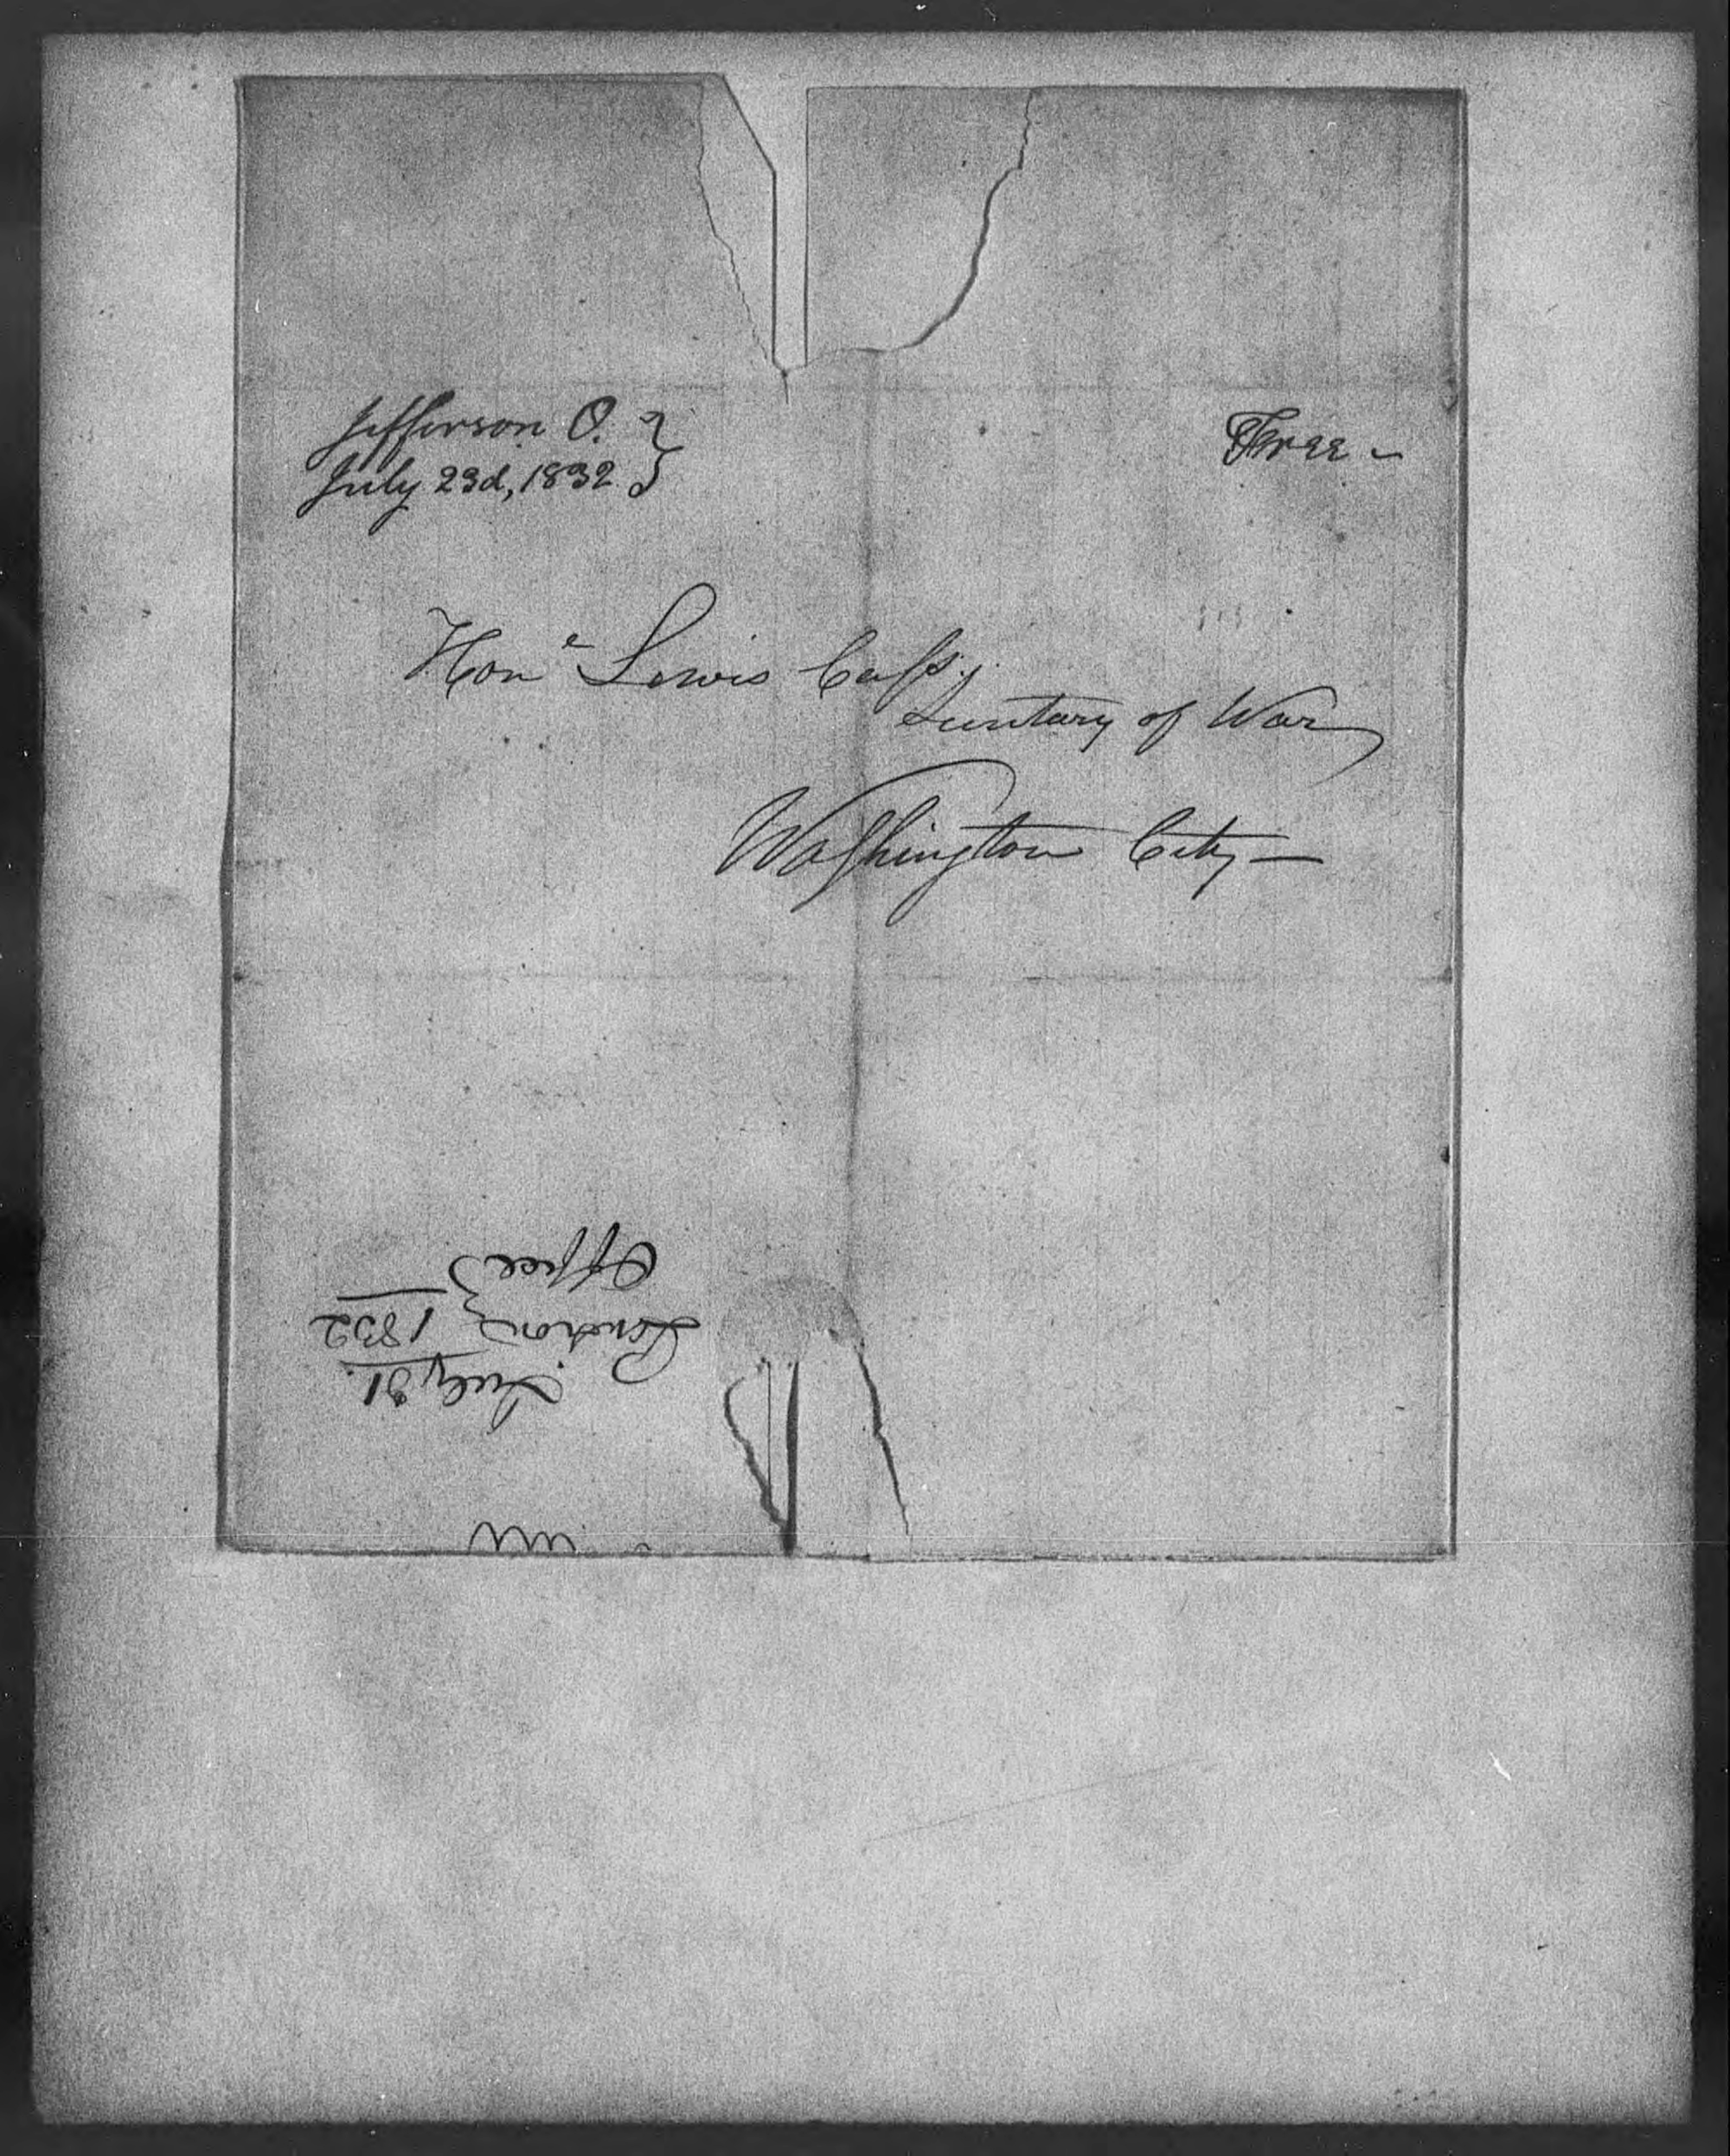(note:  original document hand written)


Jefferson O.                                            Free
July 23rd, 1832


               Hon. Lewis Cass
                                Secretary of War
               Washington City





         July  31 1832                   
         Pension Office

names: Lewis Cass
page: 8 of 45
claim: widow's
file: W. 4988, Durlin Hickok, Mass.